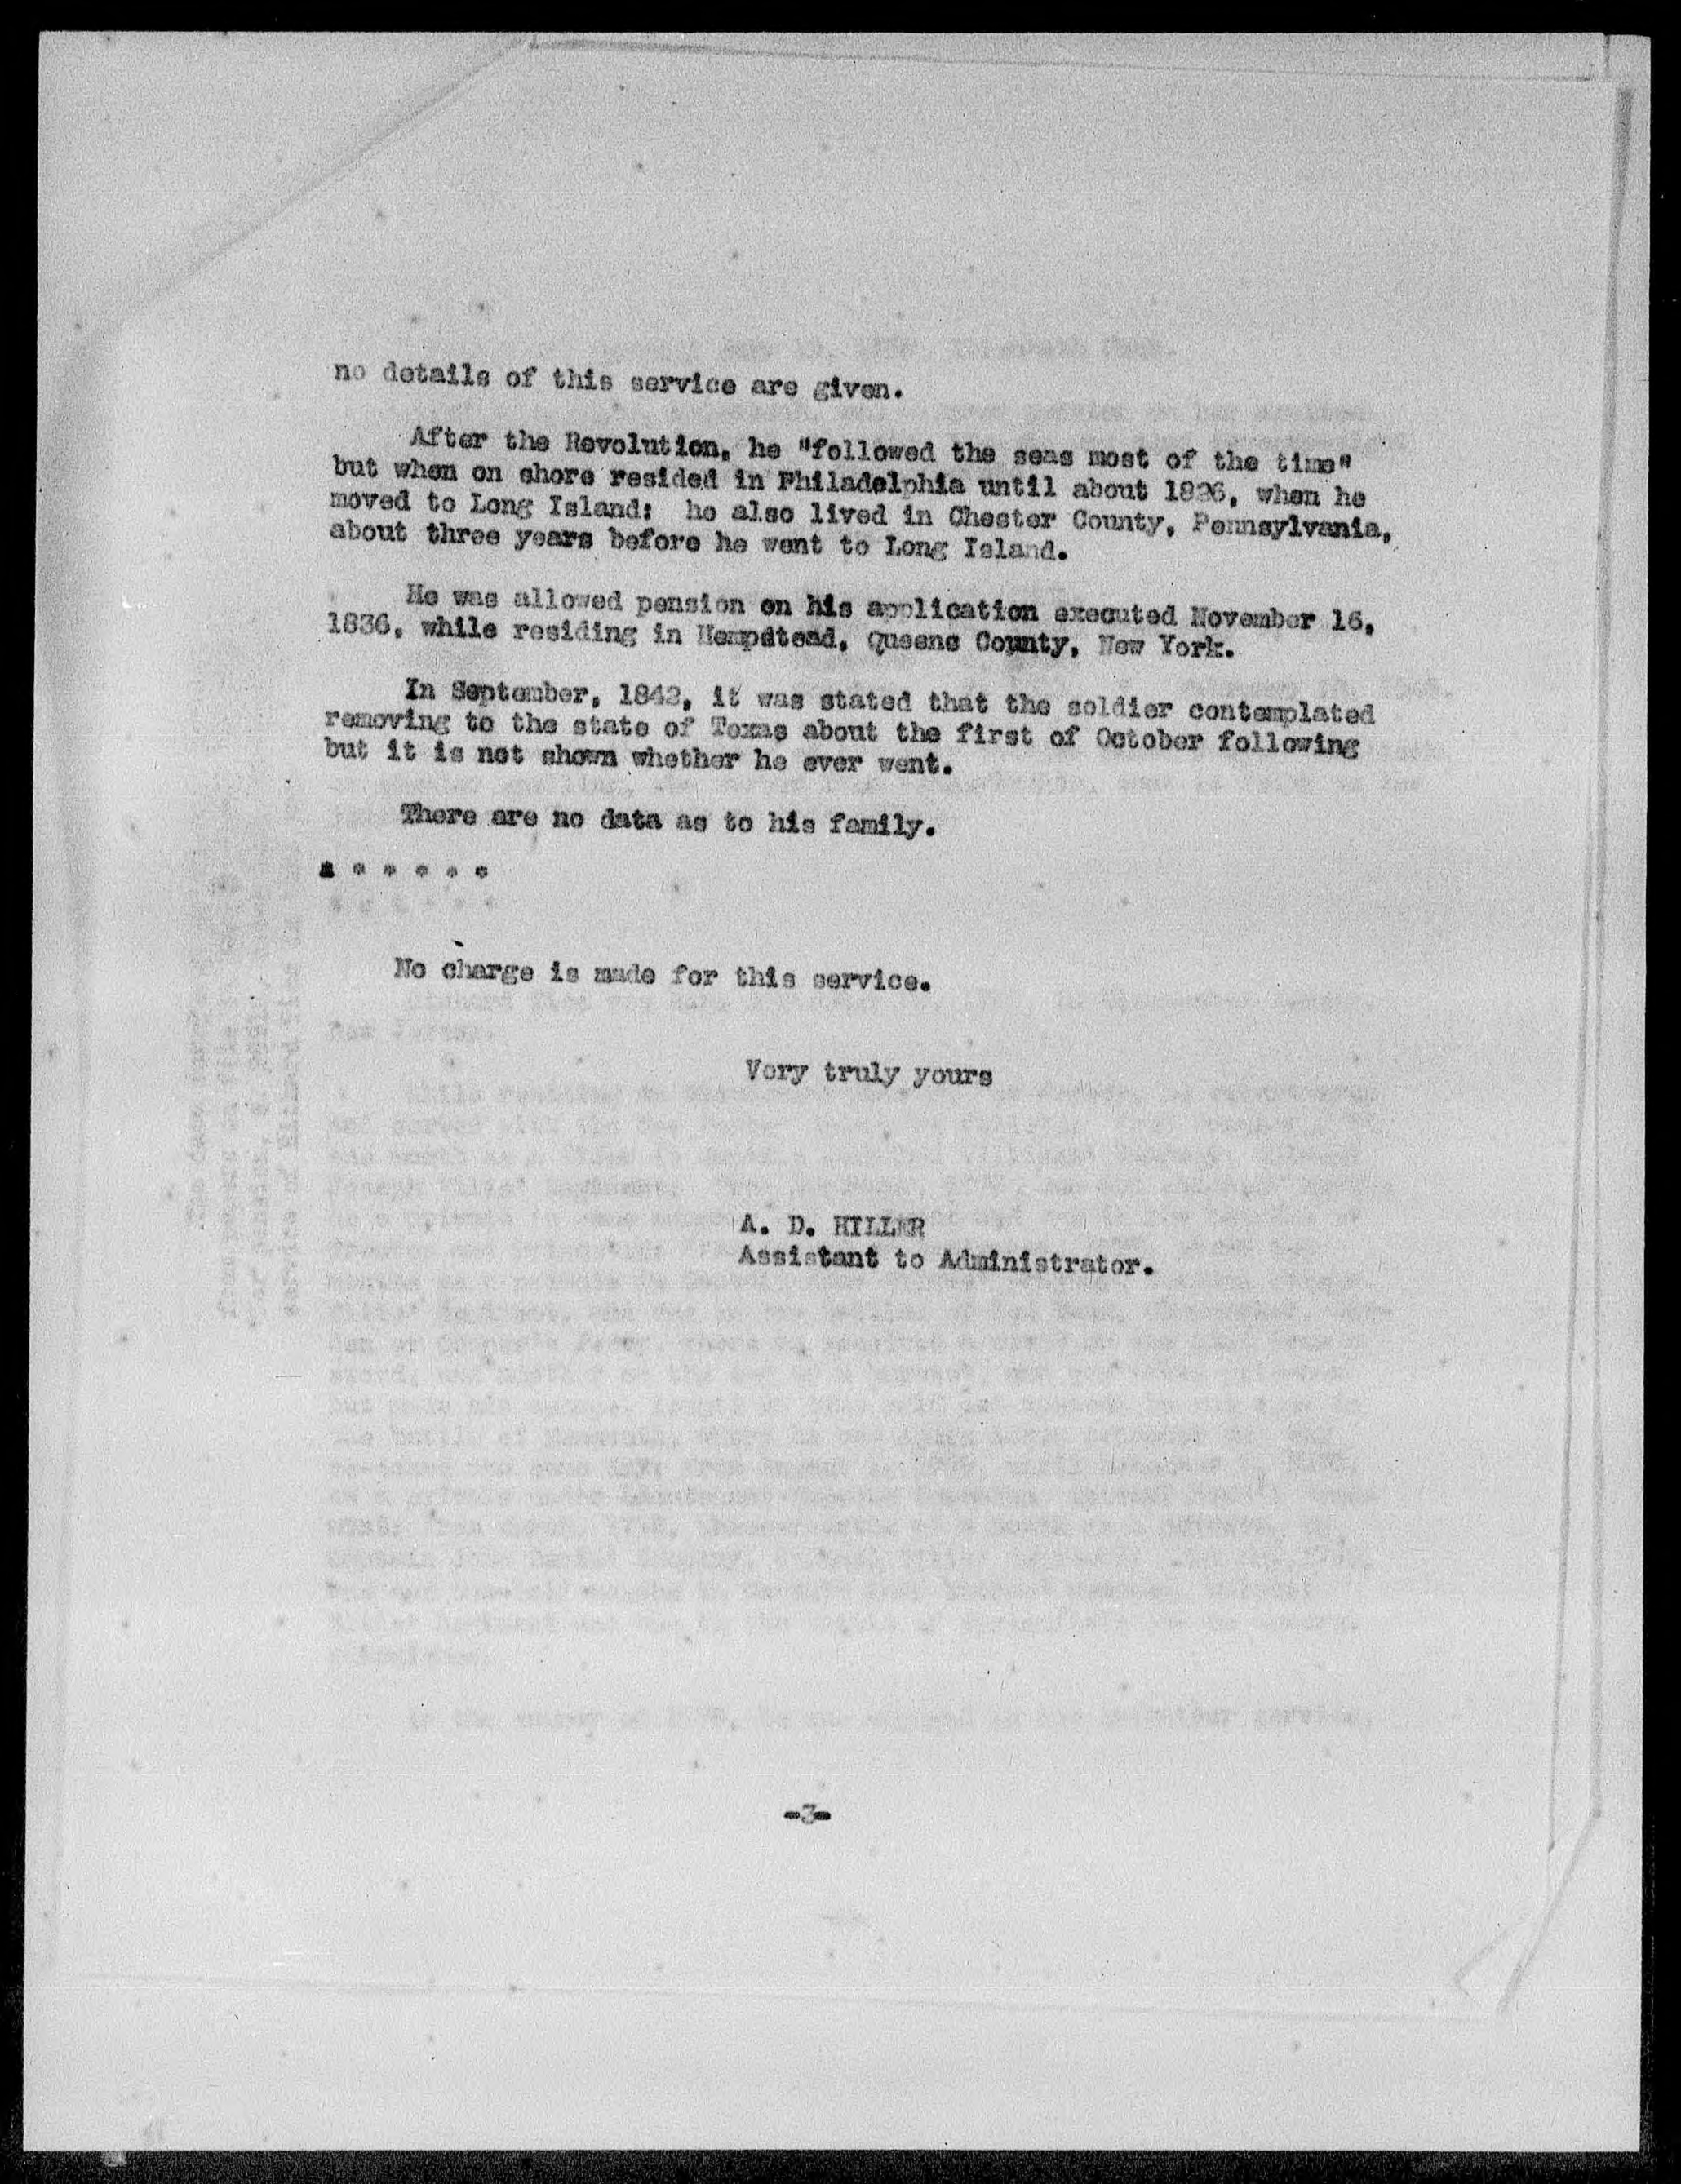no details of this service are given.

After the Revolution, he "followed the seas most of the time" but when on shore resided in Philadelphia until about 1826, when he moved to Long Island: he also lived in Chester County, Pennsylvania, about three years before he went to Long Island.

He was allowed pension on his application executed November 16, 1836, while residing in Hempstead, Queene County, New York.

In September, 1842, it was stated that the soldier contemplated removing to the state of Texas about the first of October following but it is not shown whether he ever went.

There are no data as to his family.

. . . . . .

No charge is made for this service.

Very truly yours

A. D. HILLER
Assistant to Administrator.

-3-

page: 29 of 30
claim: widow's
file: W. 2146, for Joseph Mc Collock, Pennsylvania